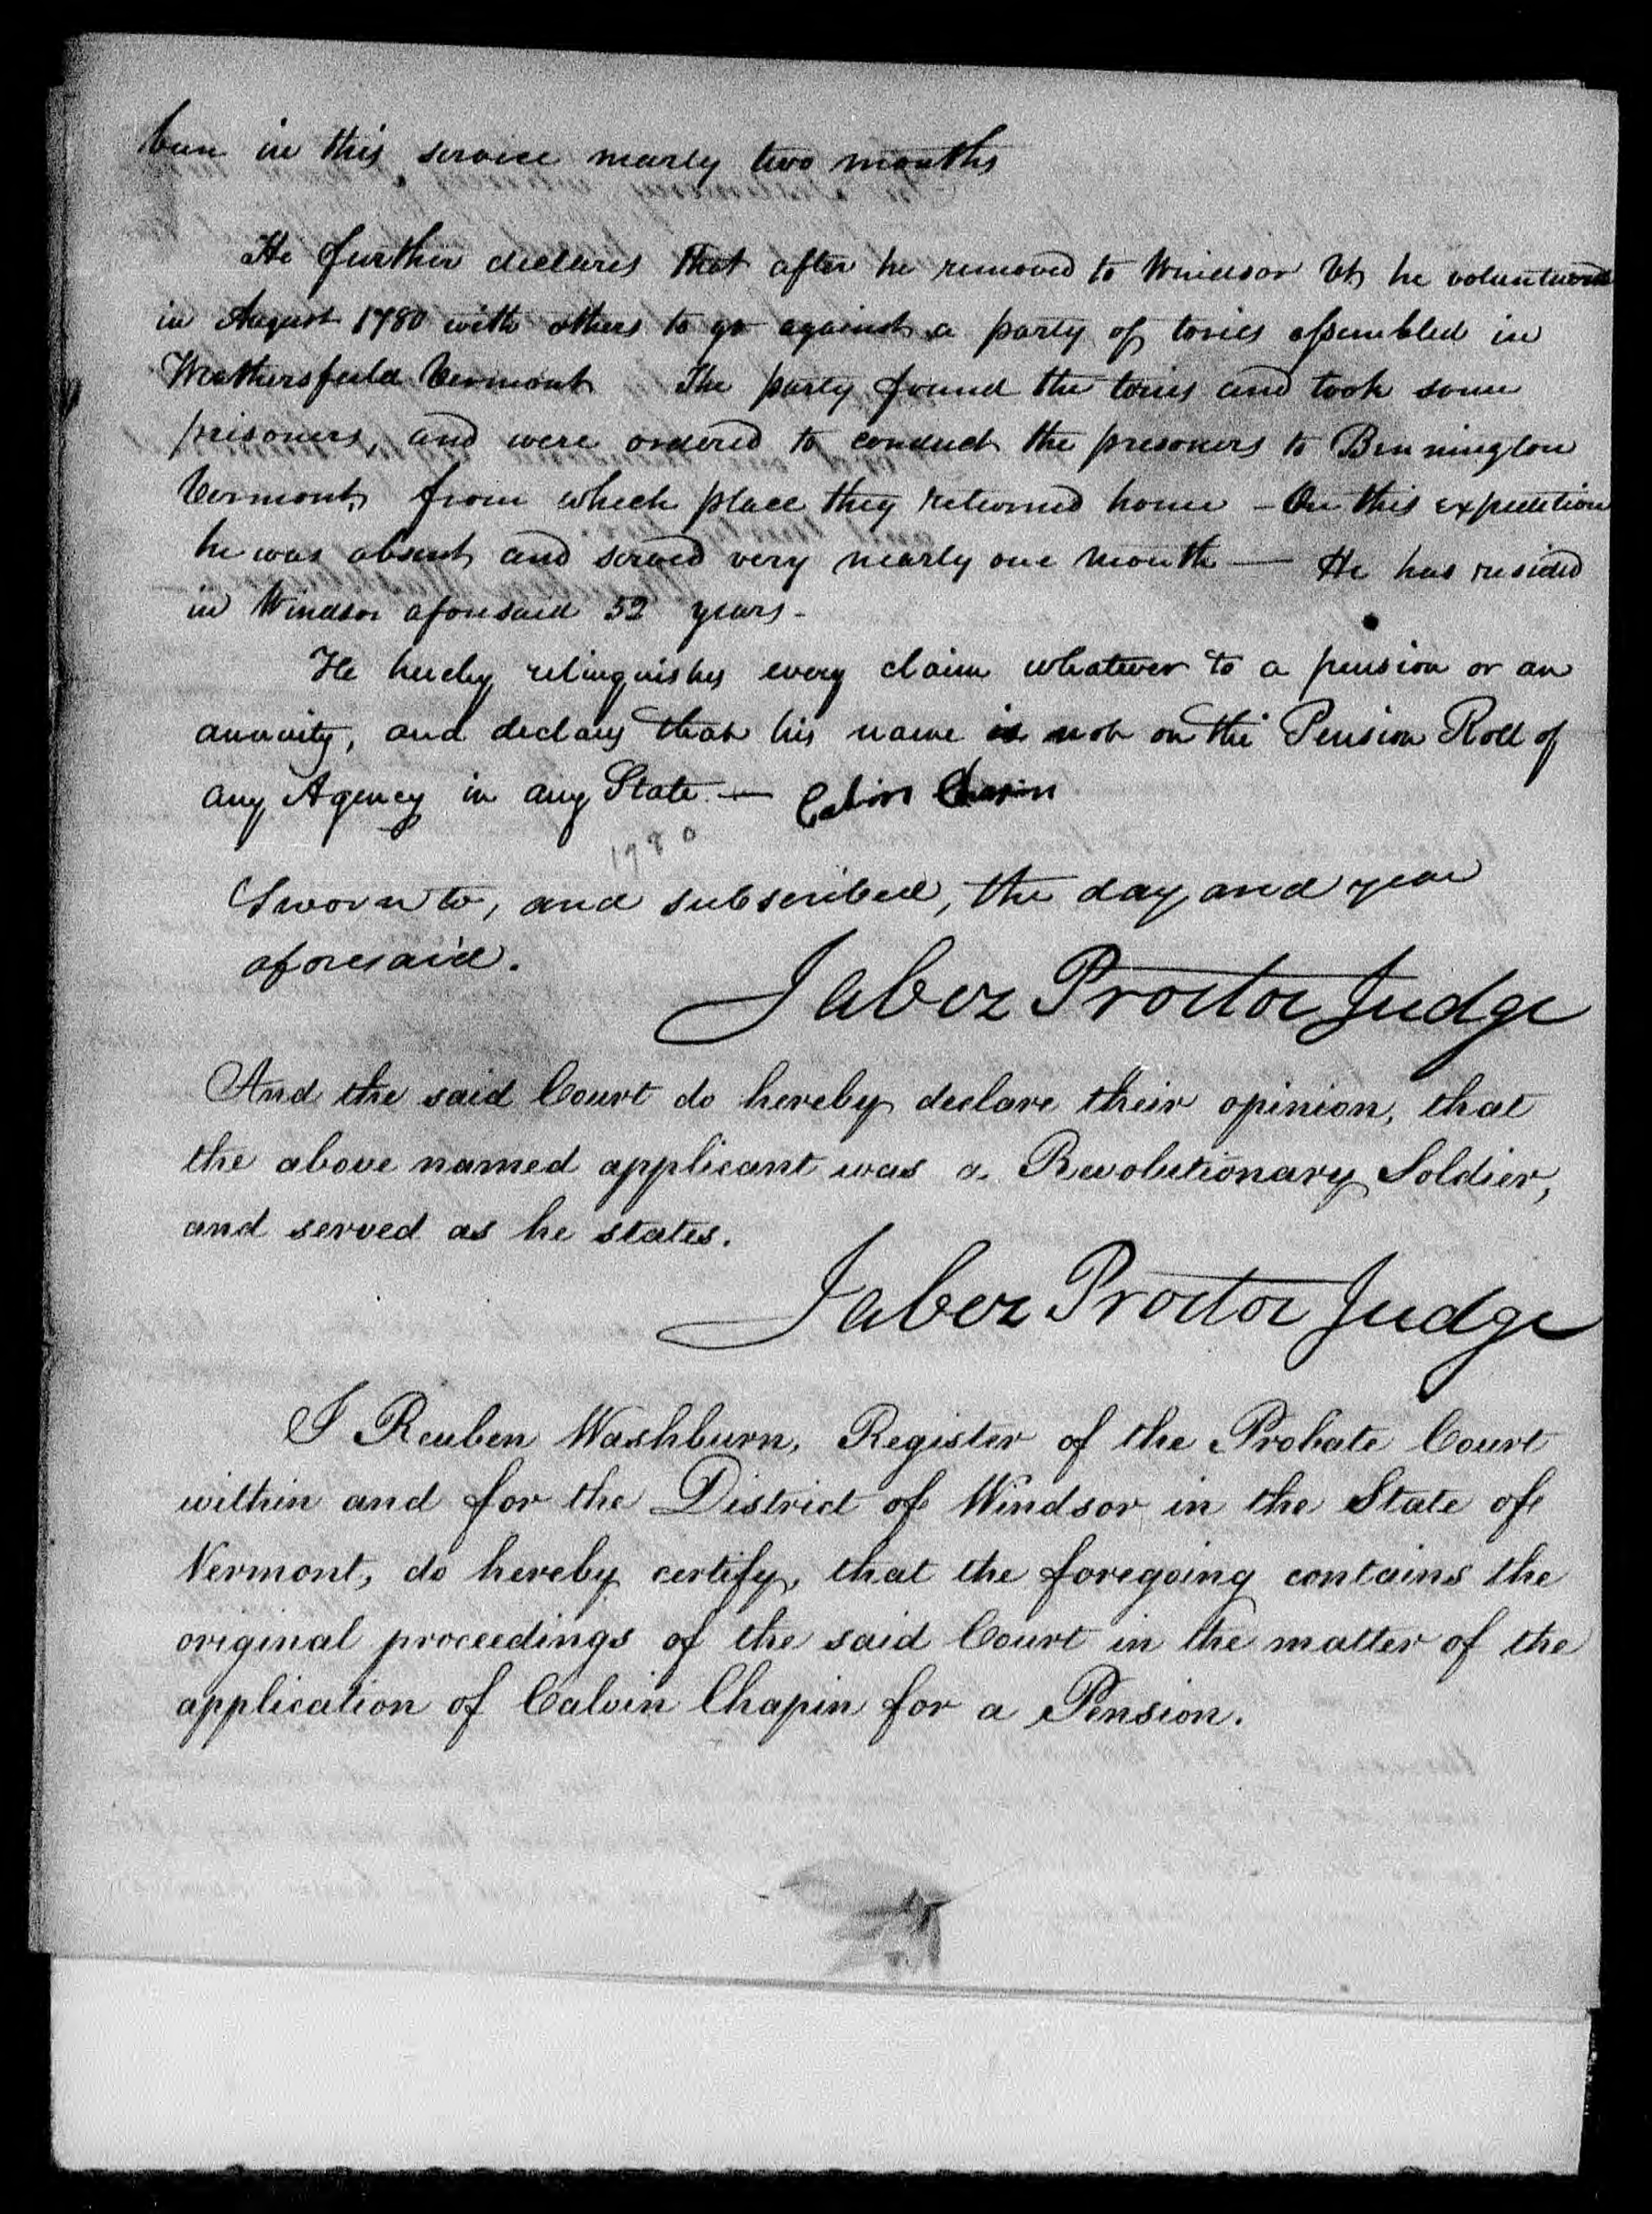been in this service nearly two months
He further declares that after he removed to Windsor Vt he volunteered in August 1780 with others to go against a party of tories assembled in Wethersfield Vermont. The party found the tories and took some prisoners, and were ordered to conduct the prisoners to Bennington Vermont, from which place they returned home - In this expedition he was absent and served very nearly one month - He has resided in Windsor aforesaid 52 years - 
He hereby relinquishes every claim whatever to a pension or an annuity, and declam that his name is not on the Pension Roll of any Agency in any State - Calvin Chapin
Sworn to, and subscribed, the day and year aforesaid. Jabez Proctor Judge
And the said Court do hereby declare their opinion, that the above named applicant was a Revolutionary Soldier, and served as he states. Jabez Proctor Judge
I Ruben Washburn, Register of the Probate Court within and for the District of Windsor in the State of Vermont, do hereby certify, that the foregoing contains the original proceedings of the said Court in the matter of the application of Calvin Chapin for a Pension.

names: Jabez Proctor, Calvin Chapin, Reuben Washburn, Calvin Chapin, Jabez Proctor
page: 6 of 35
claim: widow's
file: W. 20,864, Calvin Chapin, Mass. Vt.